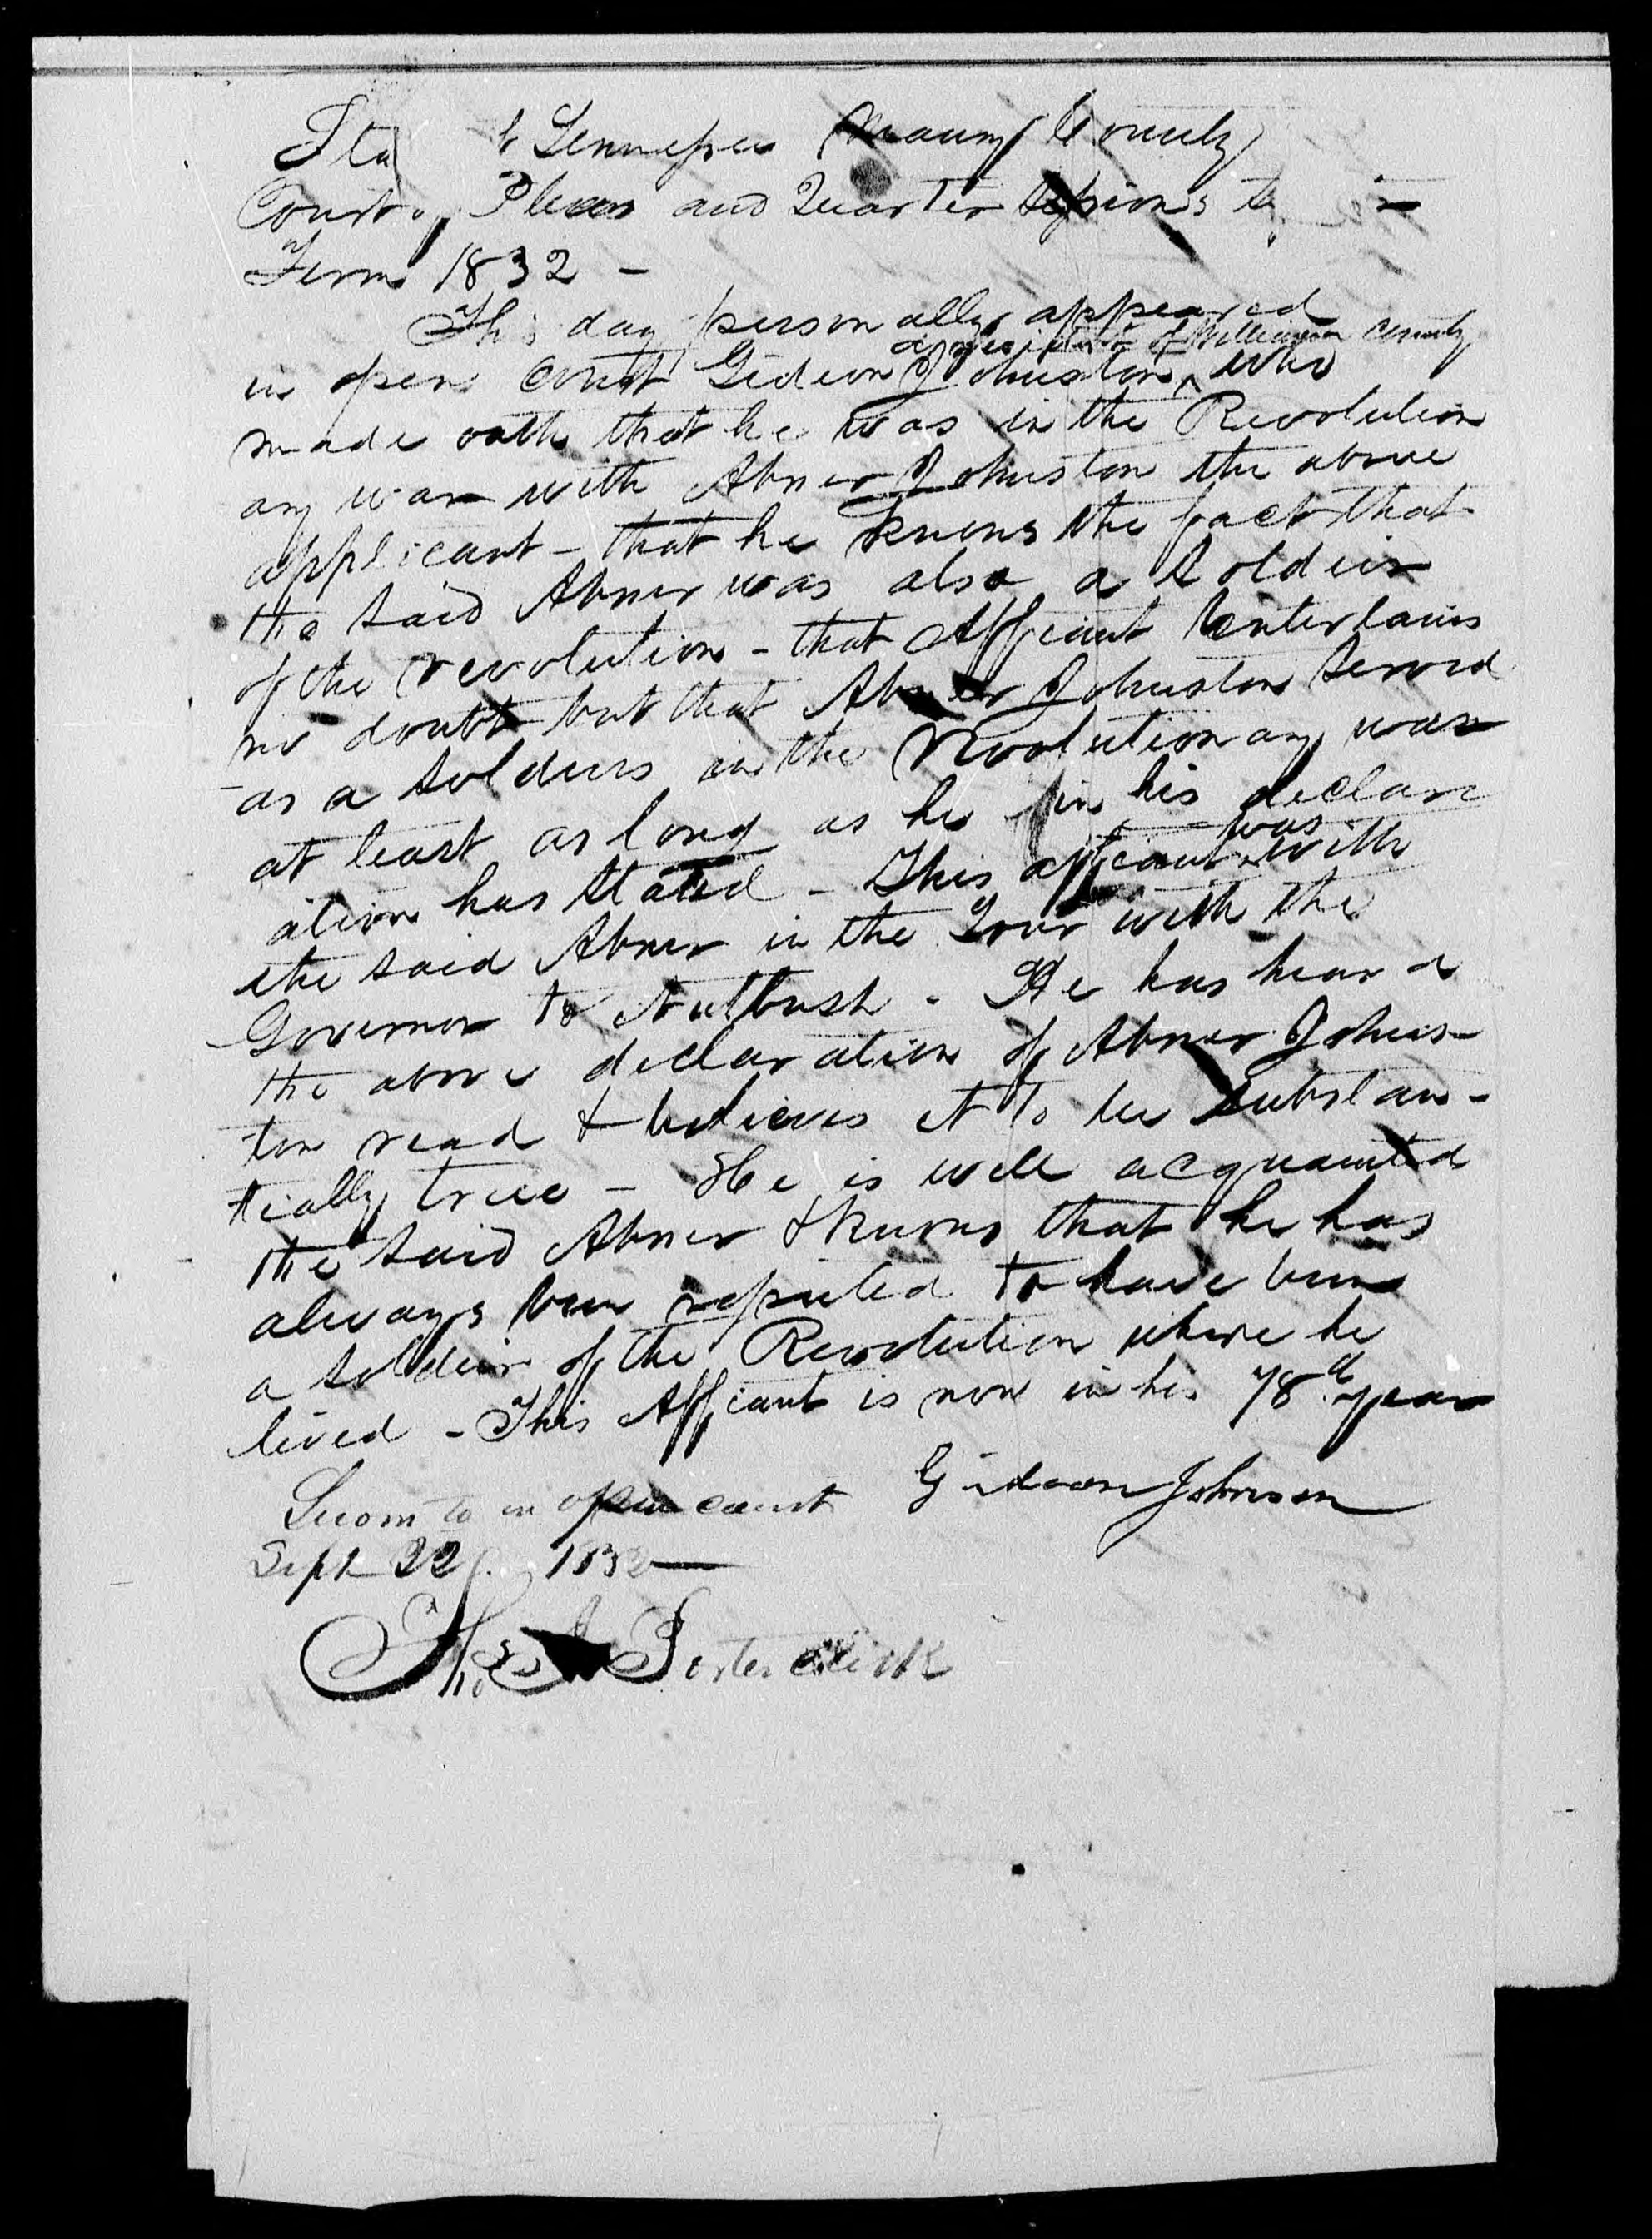State of Tennessee
Maury County: Court of Pleas and Quarter Sessions Term 1832 
     This day personally appeared in open Court Gideon Johnston [sic] a resident of 
Williamson County who made oath that he was in the Revolutionary War with Abner Johnston 
[sic] the above applicant -- that he knows the fact that the said Abner was also a Soldier of the revolution -- that Affiant entertains no doubt but that Abner Johnston served as a Soldier in the revolutionary war at the least is long as he and his declaration has stated.  This affiant was with the said Abner in the tour with the Governor to Nutbush.  He has heard the above declaration of Abner Johnston read & believes it to be substantially true.  He is well acquainted with said Abner & knows that he has always been reputed to have been a soldier of the Revolution where he lived.  This Affiant is now in his 78th year. 
                  Gideon Johnson
Sworn to in open court September 22, 1832. 
                 Thos. J. Porter, Clk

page: 9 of 27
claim: rejected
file: R. 5649, for Abner Johnson, North Carolina